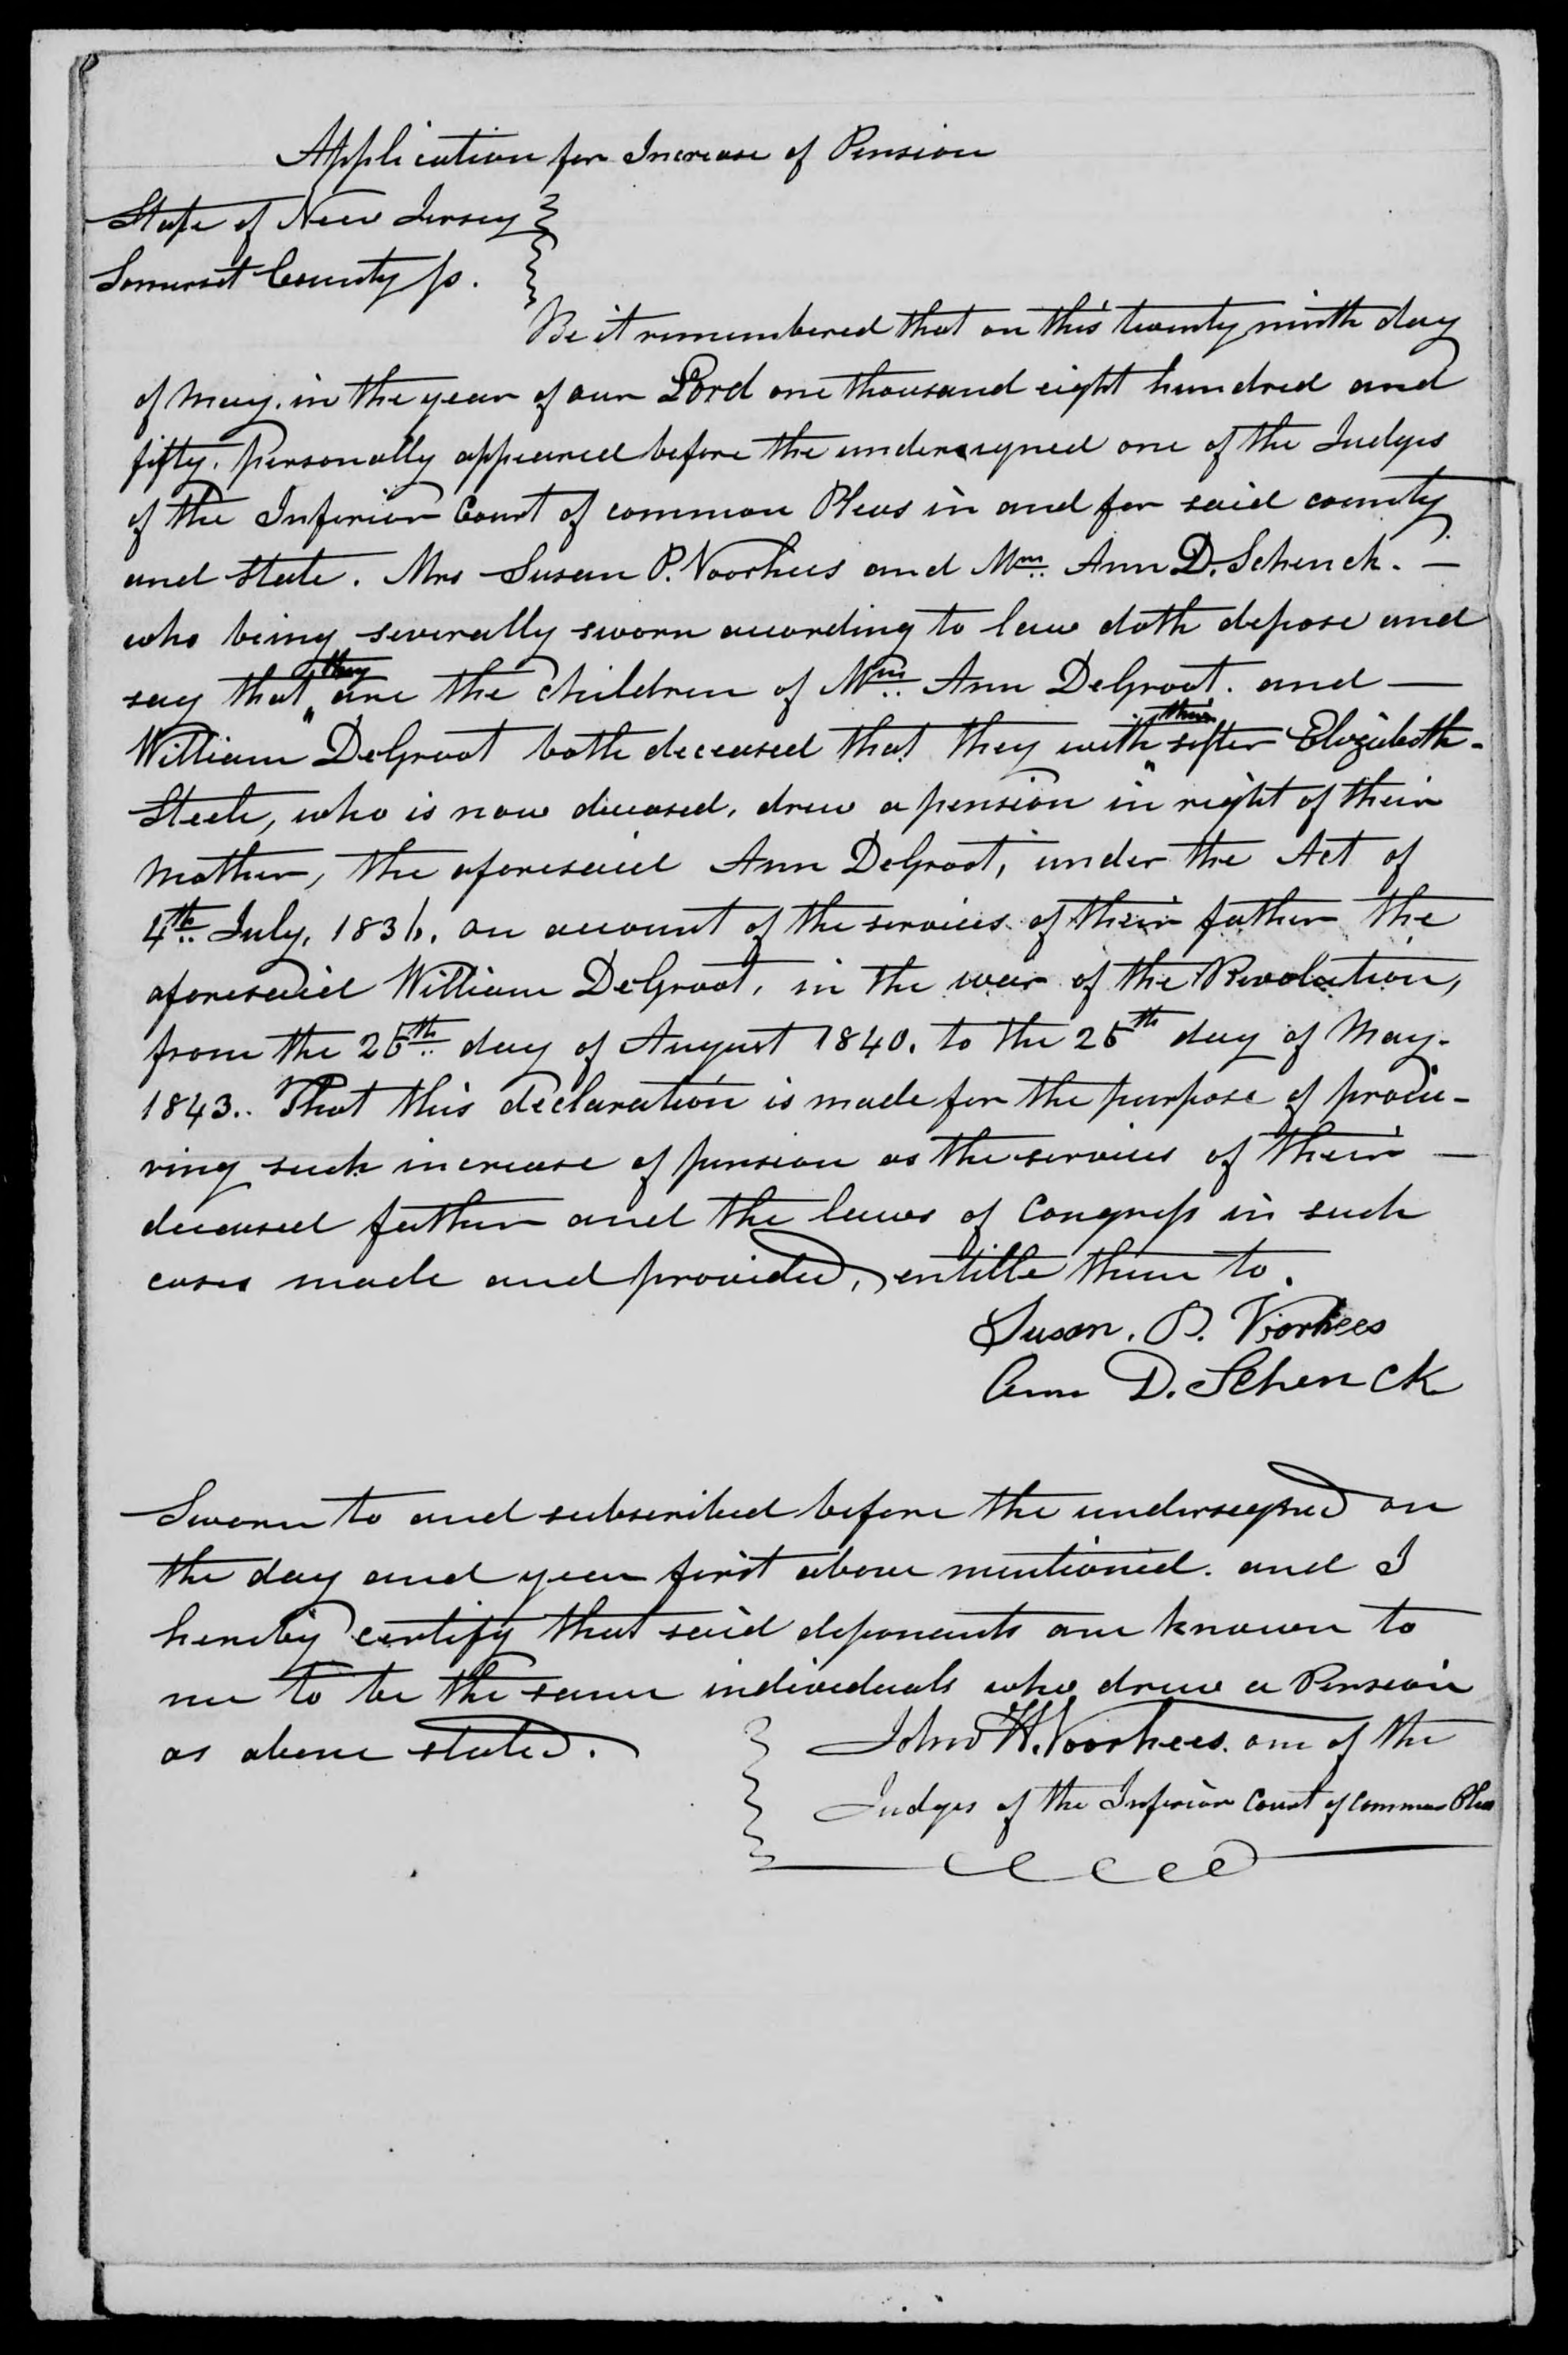Application for Increase of Pension
State of New Jersey Somerset County ss.
Be it remembered that on this twenty ninth day of May, in the year of our Lord one thousand eight hundred and fifty, personally appeared before the undersigned one of the Judges of the Inferior Court of common Pleas in and for said county and state Mrs. Susan P. Voorhees and Mrs. Ann D. Schenck, who being severally sworn according to law doth depose and say that they are the children of Mrs. Ann De Groot and William De Groot both deceased that they with their sister Elizabeth Steele, who is now deceased, drew a pension in right of their mother, the aforesaid Ann De Groot, under the Act of 4th July, 1836, on account of the services of their father the aforesaid William De Groot, in the war of the Revolution from the 26th day of August 1840 to the 25th day of May 1843.  That this declaration is made for the purpose of procuring such increase of pension as the services of their deceased father and the laws of Congress in such cases made and provided, entitle them to.  [signatures] Susan P. Voorhees  Ann D. Schenck
Sworn to and subscribed before the undersigned on the day and year first above mentioned and I hereby certify that said deponents are known to me to be the same individuals who drew a Pension as above stated  [signed] John H Voorhees, one of the Judges of the Inferior Court of Common Pleas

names: Elizabeth Steele, Ann D Schenck, Ann D Schenck, Susan P Voorhees, Ann De Groot, John H Voorhees, William De Groot, William De Groot, Susan P Voorhees, Ann De Groot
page: 74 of 77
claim: widow's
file: W. 417, William De Groot, New Jersey